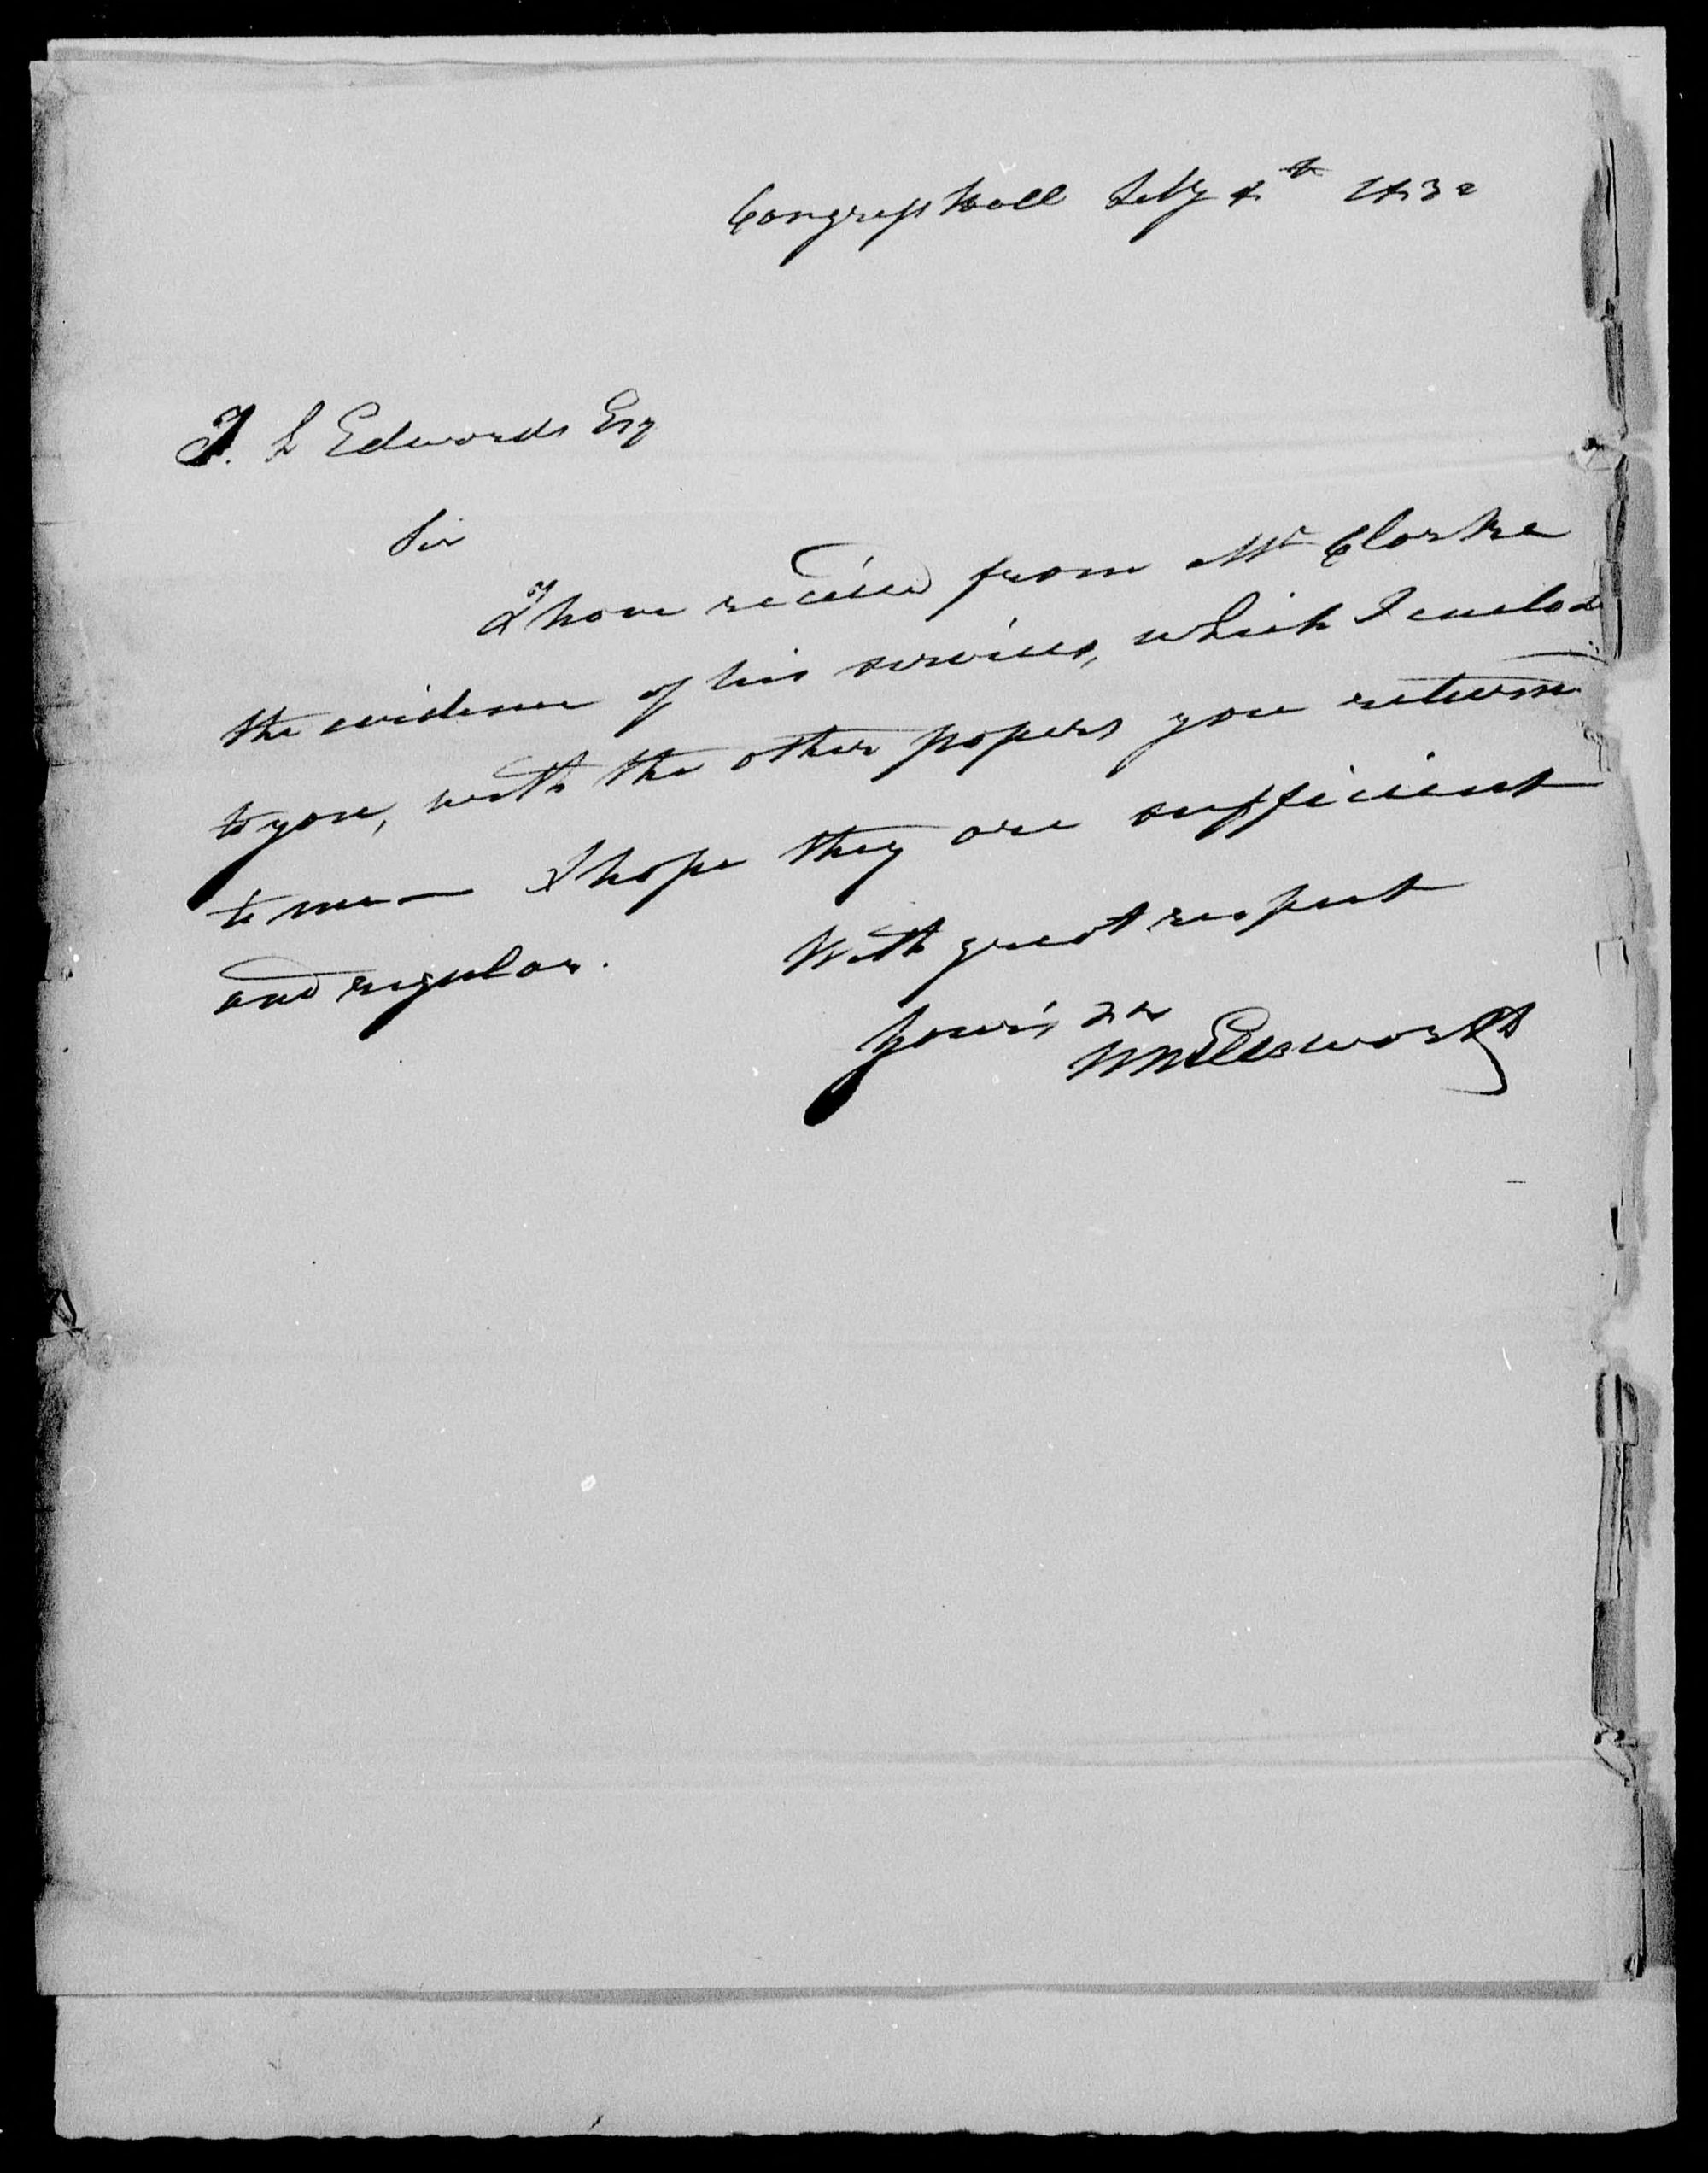Congress Hill July 4th 1832

J. L Edwards Esq 
Sir  
I have received from Mr Clarke the evidence of his service, which I enclosed to you,  with the other papers you return to me -  I hope they are sufficient and regular

With great respect
yours
M Edwards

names: J L Edwards, Clarke, Edwards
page: 27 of 48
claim: survivor's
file: S. 17343, Lemuel Clarke, Mass.